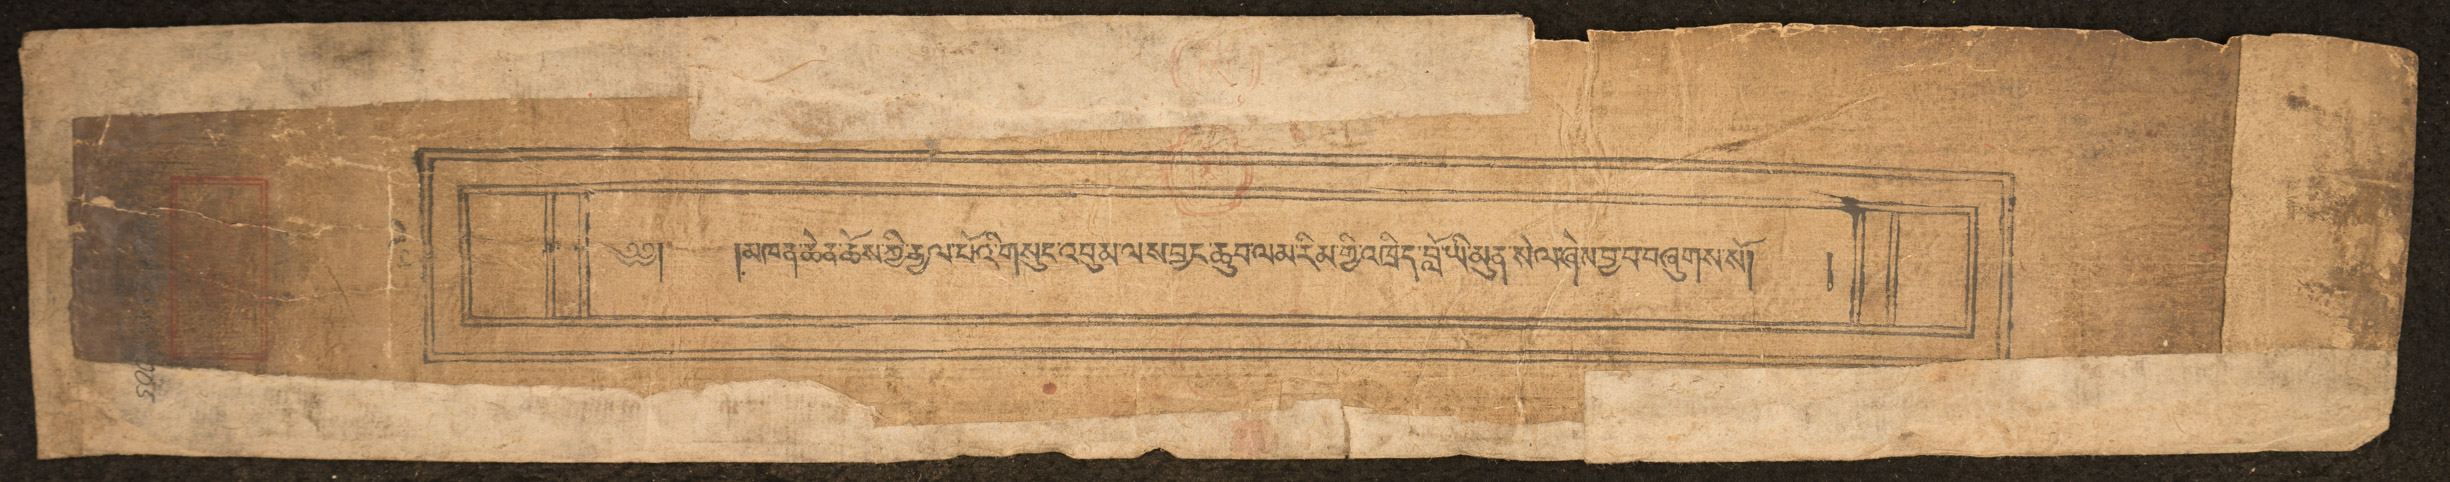༄༅། །མཁན་ཆེན་ཆོས་ཀྱི་རྒྱལ་པོའི་གསུང་འབུམ་ལས་བྱང་ཆུབ་ལམ་རིམ་གྱི་འཁྲིད་བློ་ཡི་མུན་སེལ་ཞེས་བྱ་བ་བཞུགས་སོ། །